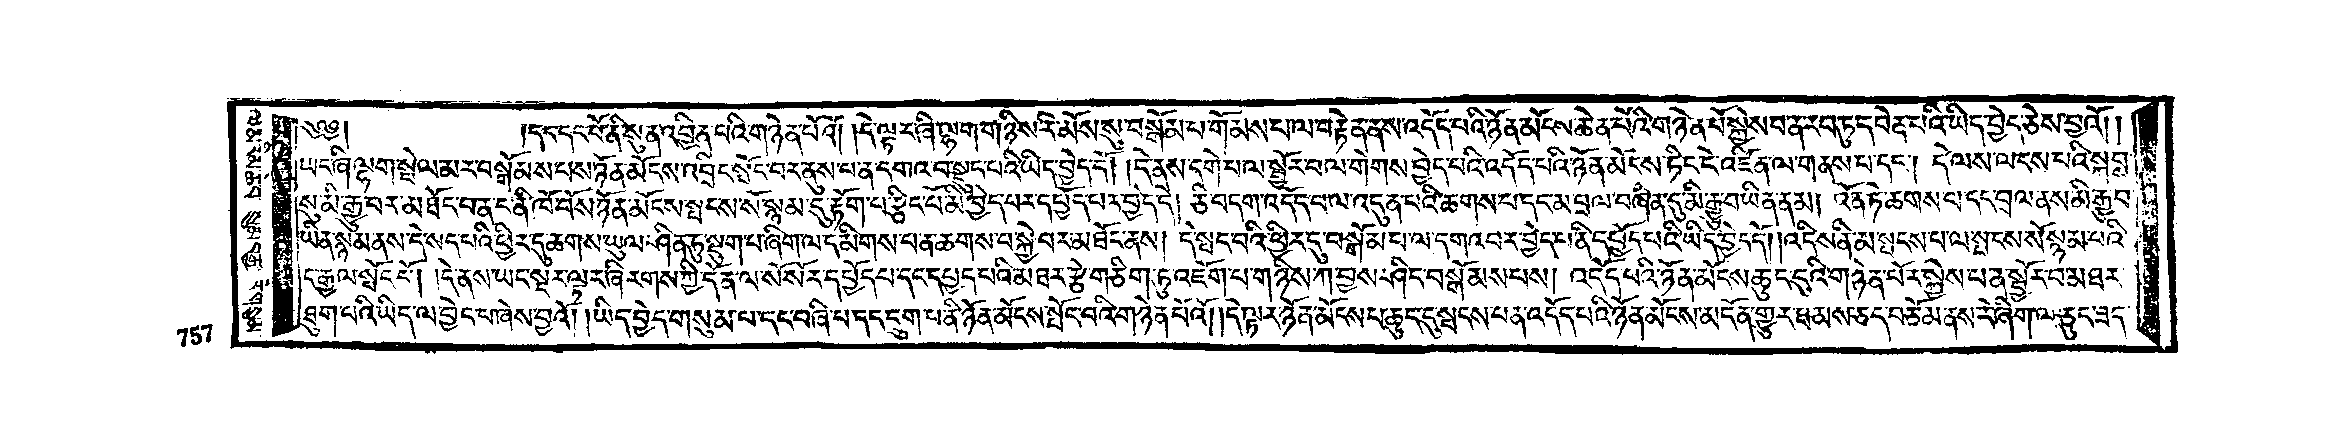༄༅། །དང་དང་པོ་ནི་སུན་འབྱིན་པའི་གཉེན་པོའོ། །དེ་ལྟར་ཞི་ལྷག་གཉིས་རེ་མོས་སུ་བསྒོམ་པ་གོམས་པ་ལ་བརྟེན་ནས་འདོད་པའི་ཉོན་མོངས་ཆེན་པོའི་གཉེན་པོ་སྐྱེས་པ་ན་རབ་ཏུ་དབེན་པའི་ཡིད་བྱེད་ཅེས་བྱའོ། །
ཡང་ཞི་ལྷག་སྤེལ་མར་བསྒོམས་པས་ཉོན་མོངས་འབྲིང་སྤོང་བར་ནུས་པ་ན་དགའ་བ་སྡུད་པའི་ཡིད་བྱེད་དོ། །དེ་ནས་དགེ་བ་ལ་སྦྱོར་བ་ལ་གེགས་བྱེད་པའི་འདོད་པའི་ཉོན་མོངས་ཏིང་ངེ་འཛིན་ལ་གནས་པ་དང་། དེ་ལས་ལངས་པའི་སྐབས་
སུ་མི་རྒྱུ་བར་མཐོང་བ་ན་ད་ནི་ཁོ་བོས་ཉོན་མོངས་སྤངས་སོ་སྙམ་དུ་རྟོག་པ་རྩིང་པོ་མི་བྱེད་པར་དཔྱོད་པར་བྱེད་དེ། ཅི་བདག་འདོད་པ་ལ་འདུན་པའི་ཆགས་པ་དང་མ་བྲལ་བཞིན་དུ་མི་རྒྱུ་བ་ཡིན་ནམ། འོན་ཏེ་ཆགས་པ་དང་བྲལ་ནས་མི་རྒྱུ་བ་
ཡིན་སྙམ་ནས་དེ་སད་པའི་ཕྱིར་དུ་ཆགས་ཡུལ་ཤིན་ཏུ་སྡུག་པ་ཞིག་ལ་དམིགས་པ་ན་ཆགས་པ་སྐྱེ་བར་མཐོང་ནས། དེ་སྦང་བའི་ཕྱིར་དུ་བསྒོམ་པ་ལ་དགའ་བར་བྱེད་པ་ནི་དཔྱོད་པའི་ཡིད་བྱེད་དོ། །འདིས་ནི་མ་སྤངས་པ་ལ་སྤངས་སོ་སྙམ་པའི་
ང་རྒྱལ་སྤོང་ངོ། །དེ་ནས་ཡང་སྔར་ལྟར་ཞི་རགས་ཀྱི་དོན་ལ་སོ་སོར་དཔྱོད་པ་དང་དཔྱད་པའི་མཐར་རྩེ་གཅིག་ཏུ་འཇོག་པ་གཉིས་ཀ་བྱས་ཤིང་བསྒོམས་པས། འདོད་པའི་ཉོན་མོངས་ཆུང་ངུའི་གཉེན་པོར་སྐྱེས་པ་ན་སྦྱོར་བ་མཐར་
ཐུག་པའི་ཡིད་ལ་བྱེད་པ་ཞེས་བྱའོ། །ཡིད་བྱེད་གསུམ་པ་དང་བཞི་པ་དང་དྲུག་པ་ནི་ཉོན་མོངས་སྤོང་བའི་གཉེན་པོའོ། །དེ་ལྟར་ཉོན་མོངས་པ་ཆུང་ངུ་སྤངས་པ་ན་འདོད་པའི་ཉོན་མོངས་མངོན་གྱུར་ཐམས་ཅད་བཅོམ་ནས་རེ་ཞིག་ལ་ཅུང་ཟད་